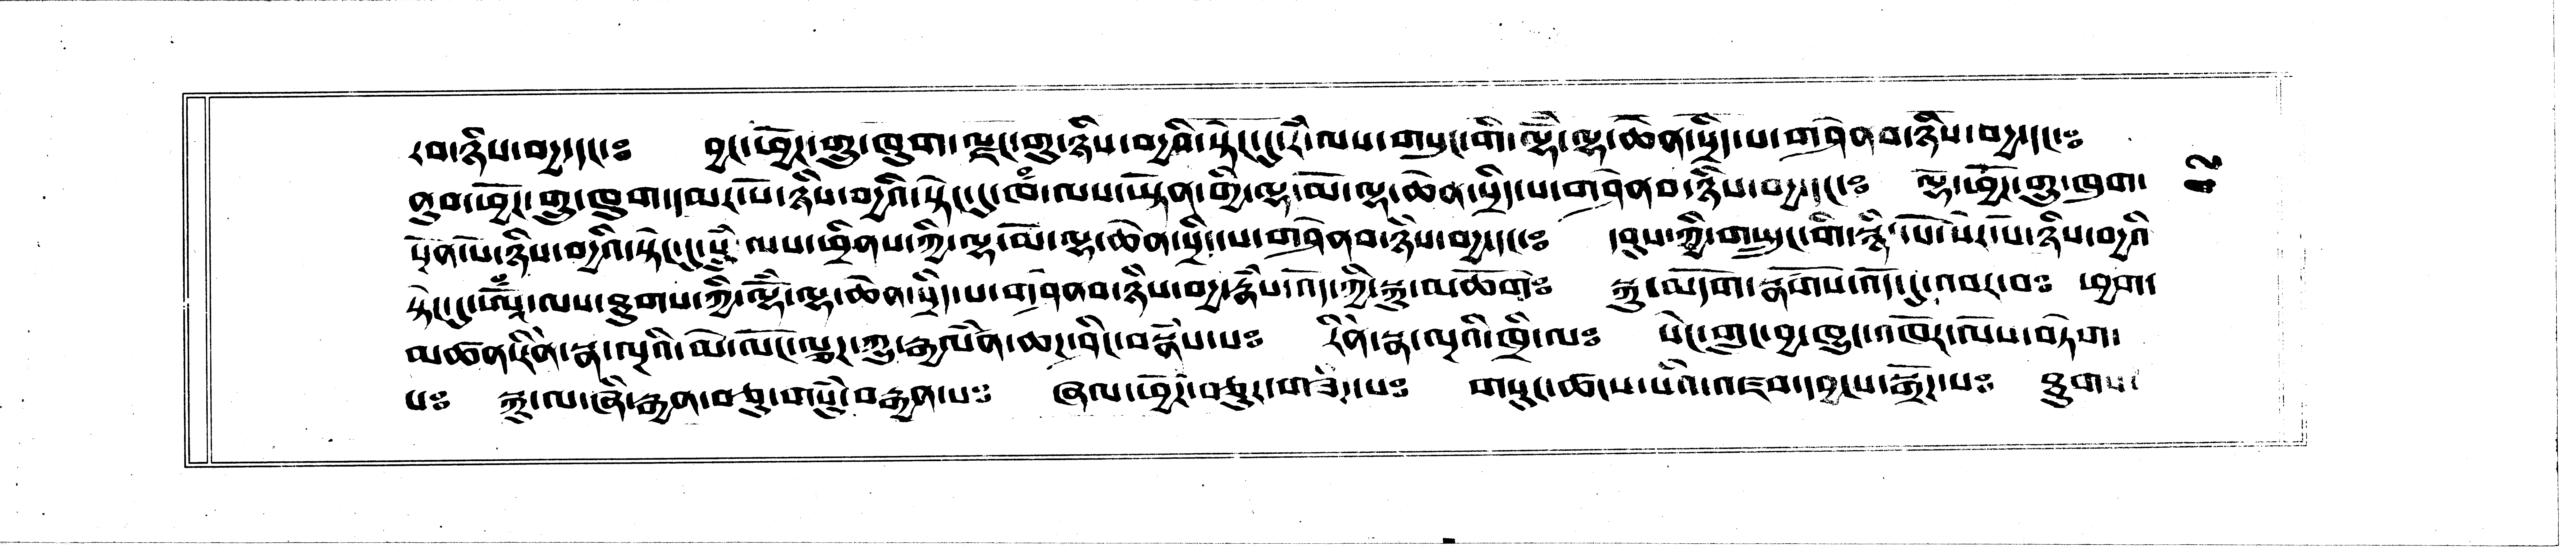རབ་ཉིས་བརྒྱ་དངཿ བྱང་ཕྱོགས་གྲུ་ཁུག་ལྗང་གུ་ཉིས་བརྒྱའི་སྟེང་དུ་རཾ་ལས་གསུང་གི་ལྷ་མོ་ལྷ་ཆེན་སྲིད་པ་གཤེན་རབ་ཉིས་བརྒྱ་དངཿ 
ནུབ་ཕྱོགས་གྲུ་ཁུག་དམར་པོ་ཉིས་བརྒྱའི་སྟེང་དུ་ཁཾ་ལས་ཡོན་ཏན་གྱི་ལྷ་མོ་ལྷ་ཆེན་སྲིད་པ་གཤེན་རབ་ཉིས་བརྒྱ་དངཿ ལྷོ་ཕྱོགས་གྲུ་ཁུག་
སྔོན་པོ་ཉིས་བརྒྱའི་སྟེང་དུ་སྲུཾ་ལས་ཕྲིན་ལས་ཀྱི་ལྷ་མོ་ལྷ་ཆེན་སྲིད་པ་གཤེན་རབ་ཉིས་བརྒྱ་དངཿ དབུས་ཀྱི་གཡུང་དྲུང་གི་སྙིང་པོ་སེར་པོ་ཉིས་བརྒྱའི་
སྟེང་དུ་ཨཱོྃ་ལས་ཐུགས་ཀྱི་ལྷ་མོ་ལྷ་ཆེན་སྲིད་པ་གཤེན་རབ་ཉིས་བརྒྱ་རྣམསཿ འོད་ཀྱི་སྐུ་མཆོགཿ སྐུ་མདོག་སྣ་ཚོགས་འོད་དུ་འབར་བཿ ཕྱག་
མཚན་རིན་ཆེན་སྣ་ལྔའི་མེ་ལོང་ལྕཀྱུ་རྒྱལ་མཚན་ཆག་ཤིང་བསྣམས་པཿ རིན་ཆེན་སྣ་ལྔའི་ཁྲི་ལ་སེང་གླང་བྱ་ཁྱུང་འཁོར་ལོས་བཏེག་
པཿ སྐུ་ཞི་རྒྱན་བཅུ་གསུམ་གྱིས་བརྒྱན་པཿ ཞལ་ཕྱོགས་བཅུར་གཟིགས་པཿ གསུང་ཚངས་པའི་འཛབ་དབྱངས་སྒྲོགས་པཿ ཐུགས་